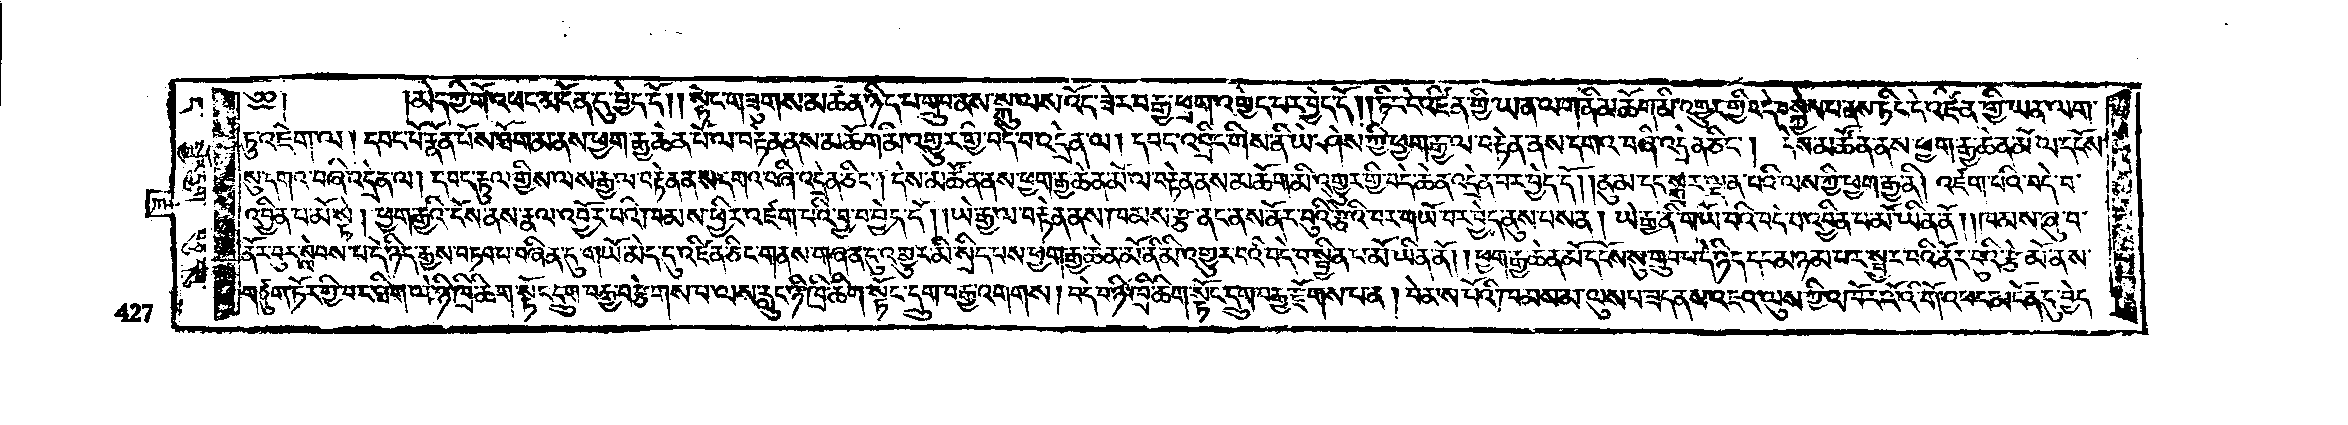༄༅། །མེད་ཀྱི་གོ་འཕང་མངོན་དུ་བྱེད་དོ། །སྟེང་གཟུགས་མཚན་ཉིད་པ་གྲུབ་ནས་སྐུ་ལས་འོད་ཟེར་བརྒྱ་ཕྲག་འགྱེད་པར་བྱེད་དོ། །ཏིང་ངེ་འཛིན་གྱི་ཡན་ལག་ནི་མཆོག་མི་འགྱུར་གྱི་བདེ་བསྐྱེས་པ་ནས་ཏིང་ངེ་འཛིན་གྱི་ཡན་ལག་
ཏུ་འཇིག་ལ། དབང་པོ་རྣོན་པོས་ཐོག་མ་ནས་ཕྱག་རྒྱ་ཆེན་པོ་ལ་བརྟེན་ནས་མཆོག་མི་འགྱུར་གྱི་བདེ་བ་འདྲེན་ལ། དབང་འབྲིང་གིས་ནི་ཡེ་ཤེས་ཀྱི་ཕྱག་རྒྱ་ལ་བརྟེན་ནས་དགའ་བཞི་འདྲེན་ཅིང་། དེས་མཚོན་ནས་ཕྱག་རྒྱ་ཆེན་མོ་ལ་དངོས་
སུ་དགའ་བཞི་འདྲེན་ལ། དབང་རྟུལ་གྱིས་ལས་རྒྱལ་བརྟེན་ནས་དགའ་བཞི་འདྲེན་ཅིང་། དེས་མཚོན་ནས་ཕྱག་རྒྱ་ཆེན་མོ་ལ་བརྟེན་ནས་མཆོག་མི་འགྱུར་གྱི་བདེ་ཆེན་འདྲེན་པར་བྱེད་དོ། །ནུ་མ་དང་སྒྲར་ལྡན་པའི་ལས་ཀྱི་ཕྱག་རྒྱ་ནི། འཛག་པའི་བདེ་བ་
འབྱིན་པ་མོ་སྟེ། ཕྱག་རྒྱའི་ངོས་ནས་རྣལ་འབྱོར་བའི་ཁམས་ཕྱིར་འཛག་པའི་བྱ་བ་བྱེད་དོ། །ཡེ་རྒྱ་ལ་བརྟེན་ནས་ཁམས་རྩ་ནང་ནས་ནོར་བུའི་རྩེའི་བར་གཡོ་བར་བྱེད་ནུས་པས་ན། ཡེ་རྒྱ་ནི་གཡོ་བའི་བདེ་བ་འབྱིན་པ་མོ་ཡིན་ནོ། །ཁམས་ཞུ་བ་
ནོར་བུར་སླེབས་པ་དེ་ཉིད་རྒྱས་བཏབ་པ་བཞིན་དུ་གཡོ་མེད་དུ་འཛིན་ཅིང་གནས་གཞན་དུ་འགྱུར་མི་སྲིད་པས་ཕྱག་རྒྱ་ཆེན་མོ་ནི་མི་འགྱུར་བའི་བདེ་བ་སྦྱིན་པ་མོ་ཡིན་ནོ། །ཕྱག་རྒྱ་ཆེན་མོ་དངོས་སུ་གྲུབ་པ་དེ་ཉིད་དང་མཉམ་པར་སྦྱར་བའི་ནོར་བུའི་རྩེ་མོ་ནས་
གཙུག་ཏོར་གྱི་བར་ཐིག་ལེ་ཉི་ཁྲི་ཆིག་སྟོང་དྲུག་བརྒྱ་བརྩེགས་པ་ལས་རླུང་ཉི་ཁྲི་ཆིག་སྟོང་དྲུག་བརྒྱ་འགགས། བདེ་བ་ཉི་ཁྲི་ཆིག་སྟོང་དྲུག་བརྒྱ་རྫོགས་པ་ན། བེམས་པོའི་ཁམས་མ་ལུས་པ་ཟད་ནས་འཇའ་ལུས་ཀྱི་འཁོར་ལོའི་གོ་འཕང་མངོན་དུ་བྱེད་